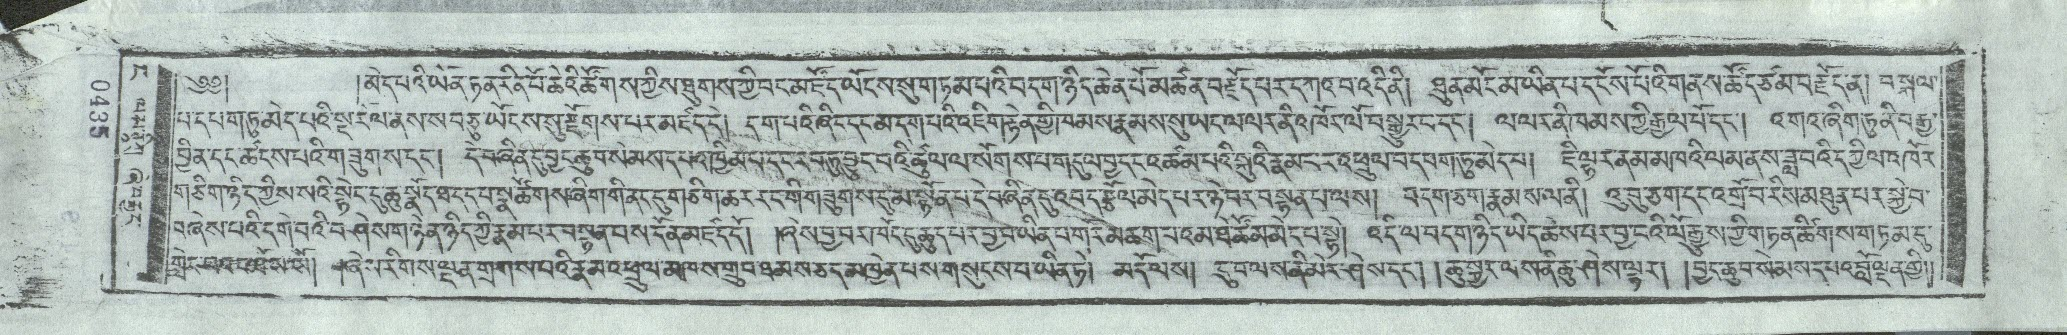༄༅། །མེད་པའི་ཡོན་ཏན་རིན་པོ་ཆེའི་ཚོགས་ཀྱིས་ཐུགས་ཀྱི་བང་མཛོད་ཡོངས་སུ་གཏམ་པའི་བདག་ཉིད་ཆེན་པོ་མཚན་བརྗོད་པར་དཀའ་བ་འདི་ནི། ཐུན་མོང་མ་ཡིན་པ་དངོས་པོའི་གནས་ཚོད་ཙམ་བརྗོད་ན། བསྐལ་
པ་དཔག་ཏུ་མེད་པའི་སྔ་རོལ་ནས་ས་བཅུ་ཡོངས་སུ་རྫོགས་པར་མཛད་དེ། དག་པའི་ཞིང་དང་མ་དག་པའི་འཇིག་རྟེན་གྱི་ཁམས་རྣམས་སུ་ཡང་ལ་ལར་ནི་འཁོར་ལོ་བསྒྱུར་པ་དང་། ལ་ལར་ནི་ཁམས་ཀྱི་རྒྱལ་པོ་དང་། འགའ་ཞིག་ཏུ་ནི་བརྒྱ་
བྱིན་དང་ཚངས་པའི་གཟུགས་དང་། དེ་བཞིན་དུ་བྱང་ཆུབ་སེམས་དཔའ་ཁྱིམ་པ་དང་རབ་ཏུ་བྱུང་བའི་ཚུལ་ལ་སོགས་པ་གདུལ་བྱ་དང་འཚམ་པའི་སྐུའི་རྣམ་པར་འཕྲུལ་བ་དཔག་ཏུ་མེད་པ། ཇི་ལྟར་ནམ་མཁའི་ལམ་ནས་ཟླ་བའི་དཀྱིལ་འཁོར་
གཅིག་ཉིད་ཀྱིས་སའི་སྟེང་དུ་ཆུ་སྣོད་ཐ་དད་པ་སྣ་ཚོགས་ཞིག་གི་ནང་དུ་གཅིག་ཆར་རང་གི་གཟུགས་དུ་མ་སྟོན་པ་དེ་བཞིན་དུ་འབད་རྩོལ་མེད་པར་ཉེ་བར་བསྟན་པ་ལས། བདག་ཅག་རྣམས་ལ་ནི། འུ་བུ་ཅག་དང་འགྲོ་བ་རིས་མཐུན་པར་སྐྱེ་བ་
བཞེས་པའི་དགེ་བའི་བཤེས་གཉེན་ཉིད་ཀྱི་རྣམ་པར་བསྟན་པས་དོན་མཛད་དོ། །ཞེས་བྱ་བར་ཁོང་དུ་ཆུད་པར་བྱ་བ་ཡིན་པ་གོང་མཆག་པའམ་ཐེ་ཚོམ་མེད་པ་སྟེ། འདི་ལ་བདག་ཉི་ཡིད་ཅེས་པར་བྱ་བའི་ལོ་རྒྱུས་ཀྱི་གཏན་ཚིགས་གཏམ་དུ་
གླེང་བའང་ཐོས་སོ། །ཞེས་རིགས་ལྡན་གྲགས་པའི་རྣམ་འཕྲུལ་མཁས་གྲུབ་ཐམས་ཅད་མཁྱེན་པས་གསུངས་པ་ཡིན་ཏེ། མདོ་ལས། དུ་བ་ལས་ནི་མེར་ཤེས་དང་། །ནུ་སྐྱར་ལས་ནི་ཆུ་ཤེས་ལྟར། །བྱང་ཆུབ་སེམས་དཔའ་བློ་ལྡན་གྱི།